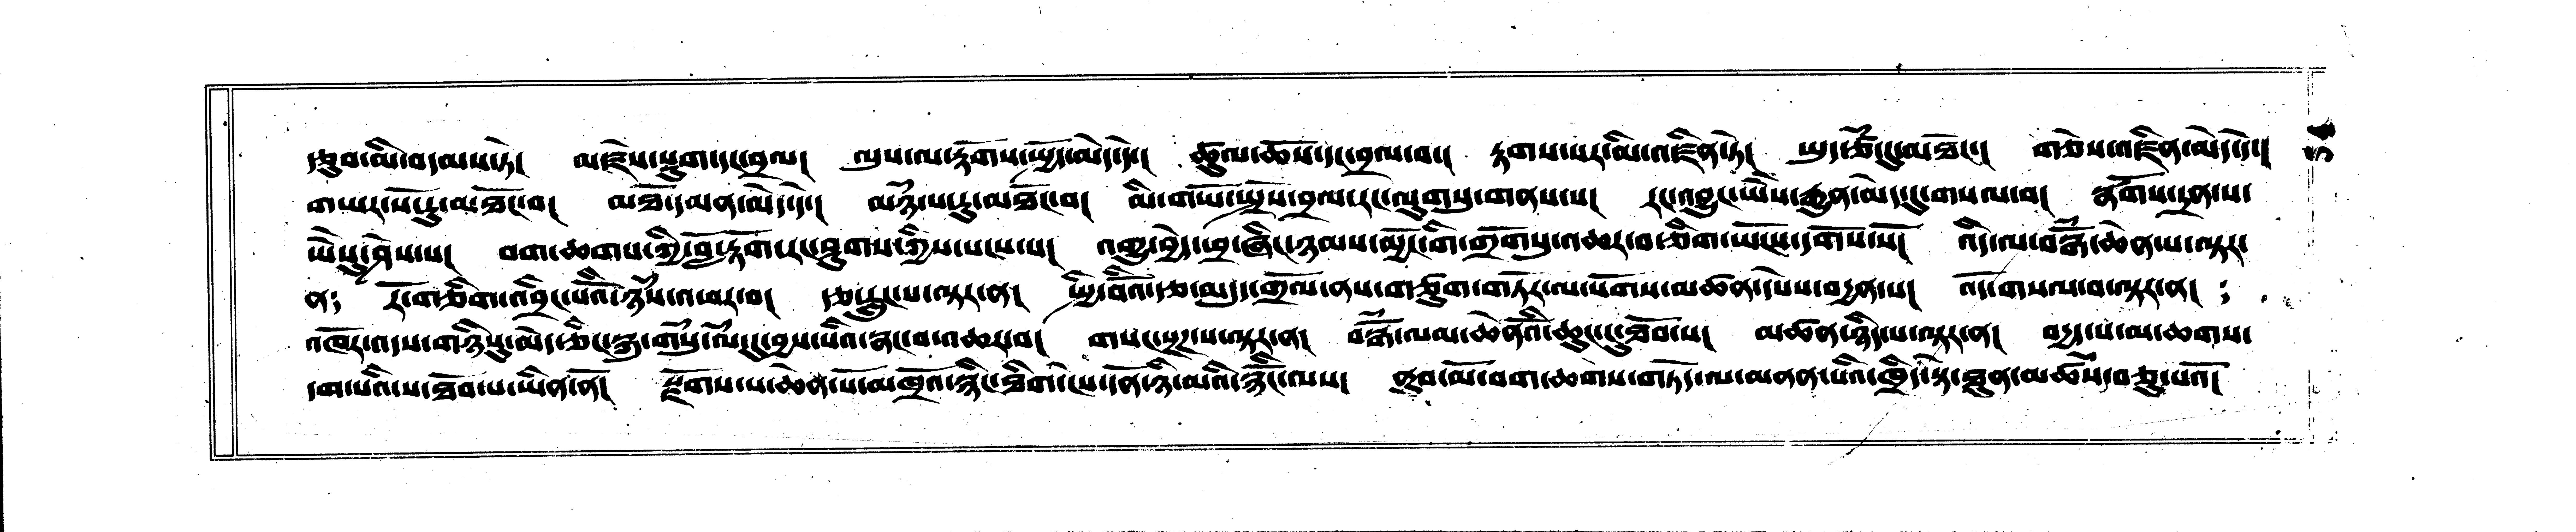རྩུབ་མི་བདམས་ཏེ། མཛེས་སྡུག་དང་བྲལ། ལུས་ལ་རྟོག་དཔྱོད་མེད་དེ། ཚུལ་ཆོས་དང་བྲལ་བ། རྟག་པར་མི་འཛིན་ཏེ། ཡུད་ཙམ་དུ་མཐོང་། གཅེས་འཛིན་མེད་དེ།
 གཡར་པོ་རུ་མཐོང་བ། མཐོ་དམན་མེད་དེ། མཉམ་པ་རུ་མཐོང་བ། མི་གཡོ་སྤྲོས་བྲལ་རང་ལུགས་སུ་གནས་པ། རང་འབྱུང་ཡེ་ཤེས་རྒྱུན་མེད་དུ་གསལ་བ། སྣ་ཚོགས་དྲན་པ་
ཡེ་ཤེས་སུ་ཤེས་པ། བག་ཆགས་ཀྱི་བློ་རྟོག་རང་ཤུགས་ཀྱིས་སངས་པ། འགྱུ་བྱེད་ཕྲ་ཞིང་ཉམས་མྱོང་གི་གྲོགས་སུ་འཆྲ་བ་ཞིག་ཡོང་དགོས་སོ། འདི་ལ་སྒོམ་ཆེན་པ་ལྟར་
ན། རོ་གཅིག་འབྲིང་པོའི་ཉམས་འཕར་བ། རྩ་རླུང་པ་ལྟར་ན། སྤྱི་བོིའི་རྩ་མདུད་གྲོལ་ནས་གཙུག་ཏོར་ལ་སོགས་མཚན་དཔེས་བརྒྱན་པ། འོད་གསལ་བ་ལྟར་ན། 
འཁོར་འདས་གཉིས་སུ་མེད་ཅིང་སྐུ་གསུམ་ལམ་དུ་བྱས་པའི་སྣང་བ་འཆར་བ། གསང་སྔགས་པ་ལྟར་ན། སྒོམ་ལམ་ཆེན་པོའི་ཆུང་ངུ་ཐོབ་པ། མཚན་ཉིད་པ་ལྟར་ན་བརྒྱད་པ་མ་ཆགས་
དག་པའི་ས་ཐོབ་པ་ཡིན་ནོ། །རྫོགས་པ་ཆེན་པོ་མཁའ་འགྲོ་སྙིང་ཐིག་ངེས་དོན་ཉི་མའི་སྙིང་པོ་ལས། ནུབ་མོ་བག་ཆགས་གཏོད་ལ་མནན་པའི་ཁྲིད་སྟེ་ཐུན་མཚམས་བཅུ་པའོ།། །།